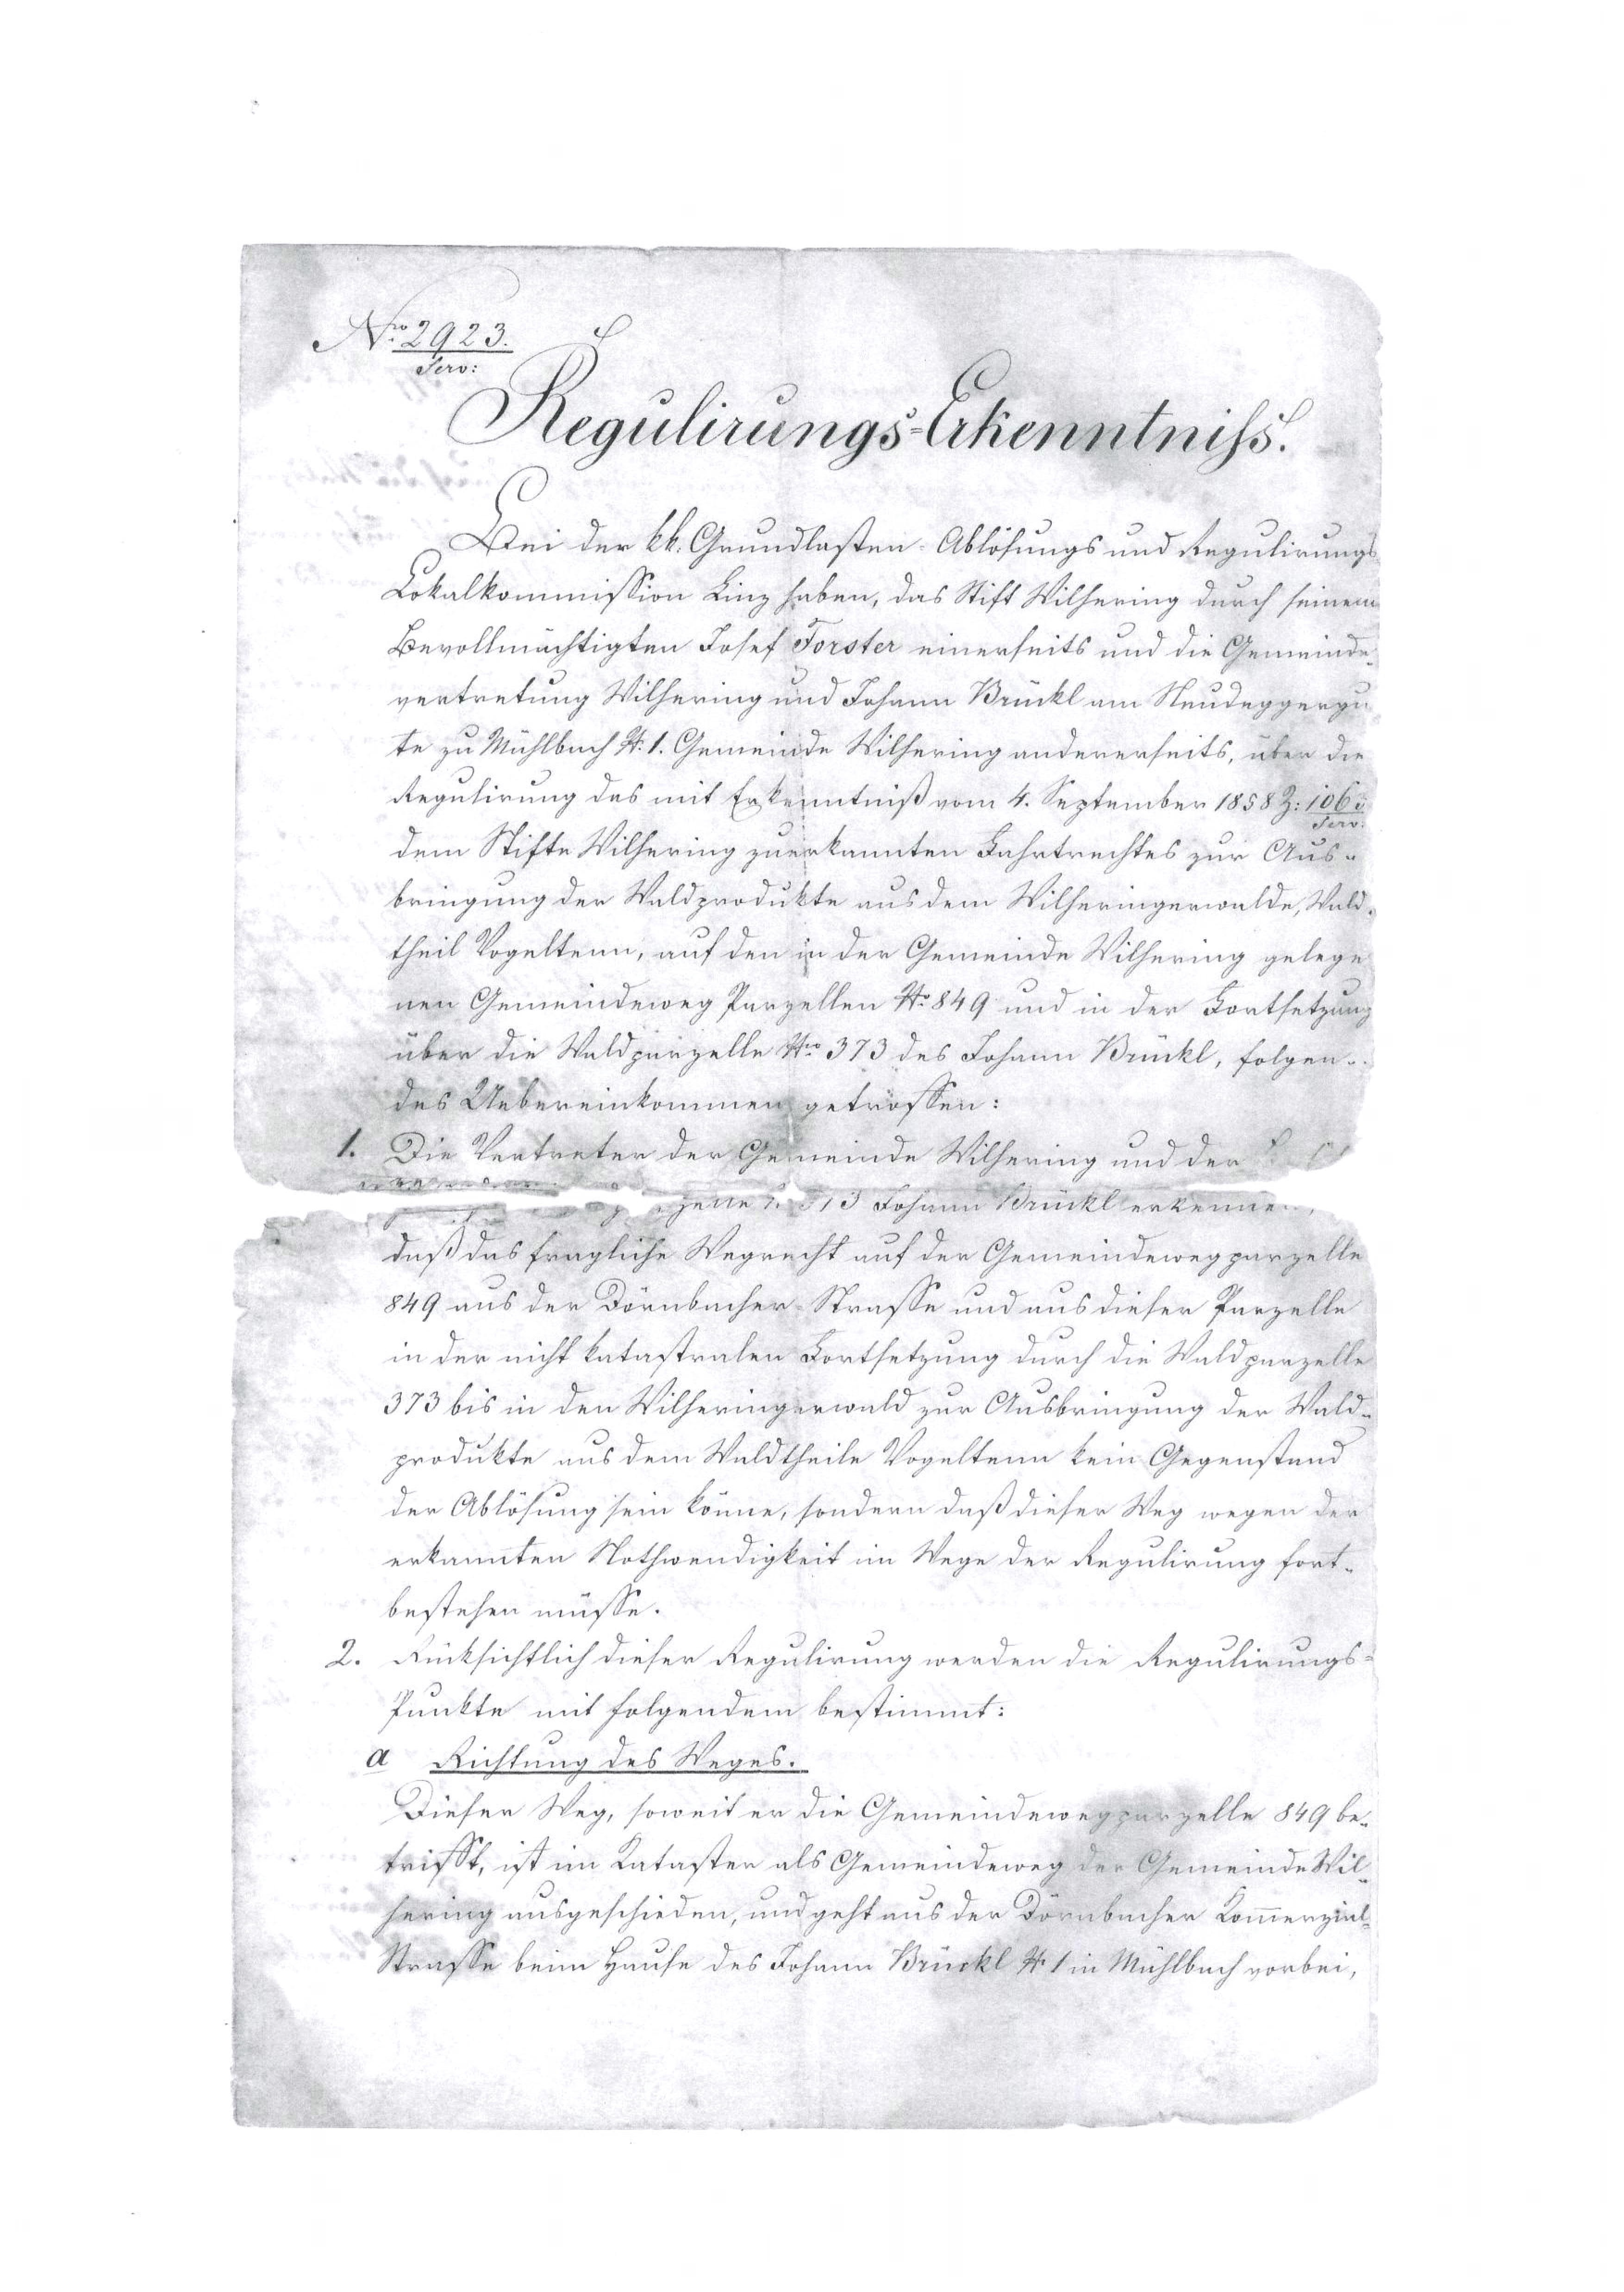№ 2923
Serv.
Regulirungs=Erkenntniss.
Bei der kk. Grundlasten=Ablösungs und Regulirungs
Lokalkommission Linz haben, das Stift Wilhering durch seinem
Bevollmächtigten Josef Forster einerseits und die Gemeinde¬
vertretung Wilhering und Johann Brückl am Neudeggergu¬
te zu Mühlbach № 1. Gemeinde Wilhering andererseits, über die
Regulirung des mit Erkenntniß vom 4. September 1858 Z: 1063 Serv
dem Stifte Wilhering zuerkannten Fahrtrechtes zur Aus¬
bringung der Waldprodukte aus dem Wilheringerwalde, Wald¬
theil Vogeltenn, auf den in der Gemeinde Wilhering gelege¬
nen Gemeindeweg Parzellen № 849 und in der Fortsetzung
über die Waldparzelle № 373 des Johann Brückl, folgen¬
des Uebereinkommen getroffen:
1. Die Vertreter der Gemeinde Wilhering und der
zelle№ 373 Johann Brückl erkennen
daß das fragliche Wegrecht auf der Gemeindewegparzelle
849 aus der Dörnbacher Strasse und aus dieser Parzelle
in der nicht katastralen Fortsetzung durch die Waldparzelle
373 bis in den Wilheringerwald zur Ausbringung der Wald¬
produkte aus dem Waldtheile Vogeltenn kein Gegenstand
der Ablösung sein könne, sondern daß dieser Weg wegen der
erkannten Notwendigkeit im Wege der Regulirung fort¬
bestehen müsse.
2. Rücksichtlich dieser Regulirung werden die Regulirungs¬
Punkte mit folgendem bestimmt:
a Richtung des Weges.
Dieser Weg, soweit er die Gemeindewegparzelle 849 be¬
trifft, ist im Kataster als Gemeindeweg der Gemeinde Wil¬
hering ausgeschieden, und geht aus der Dörnbacher Kommerzial-
Strasse beim Hause des Johann Brückl № 1 in Mühlbach vorbei,